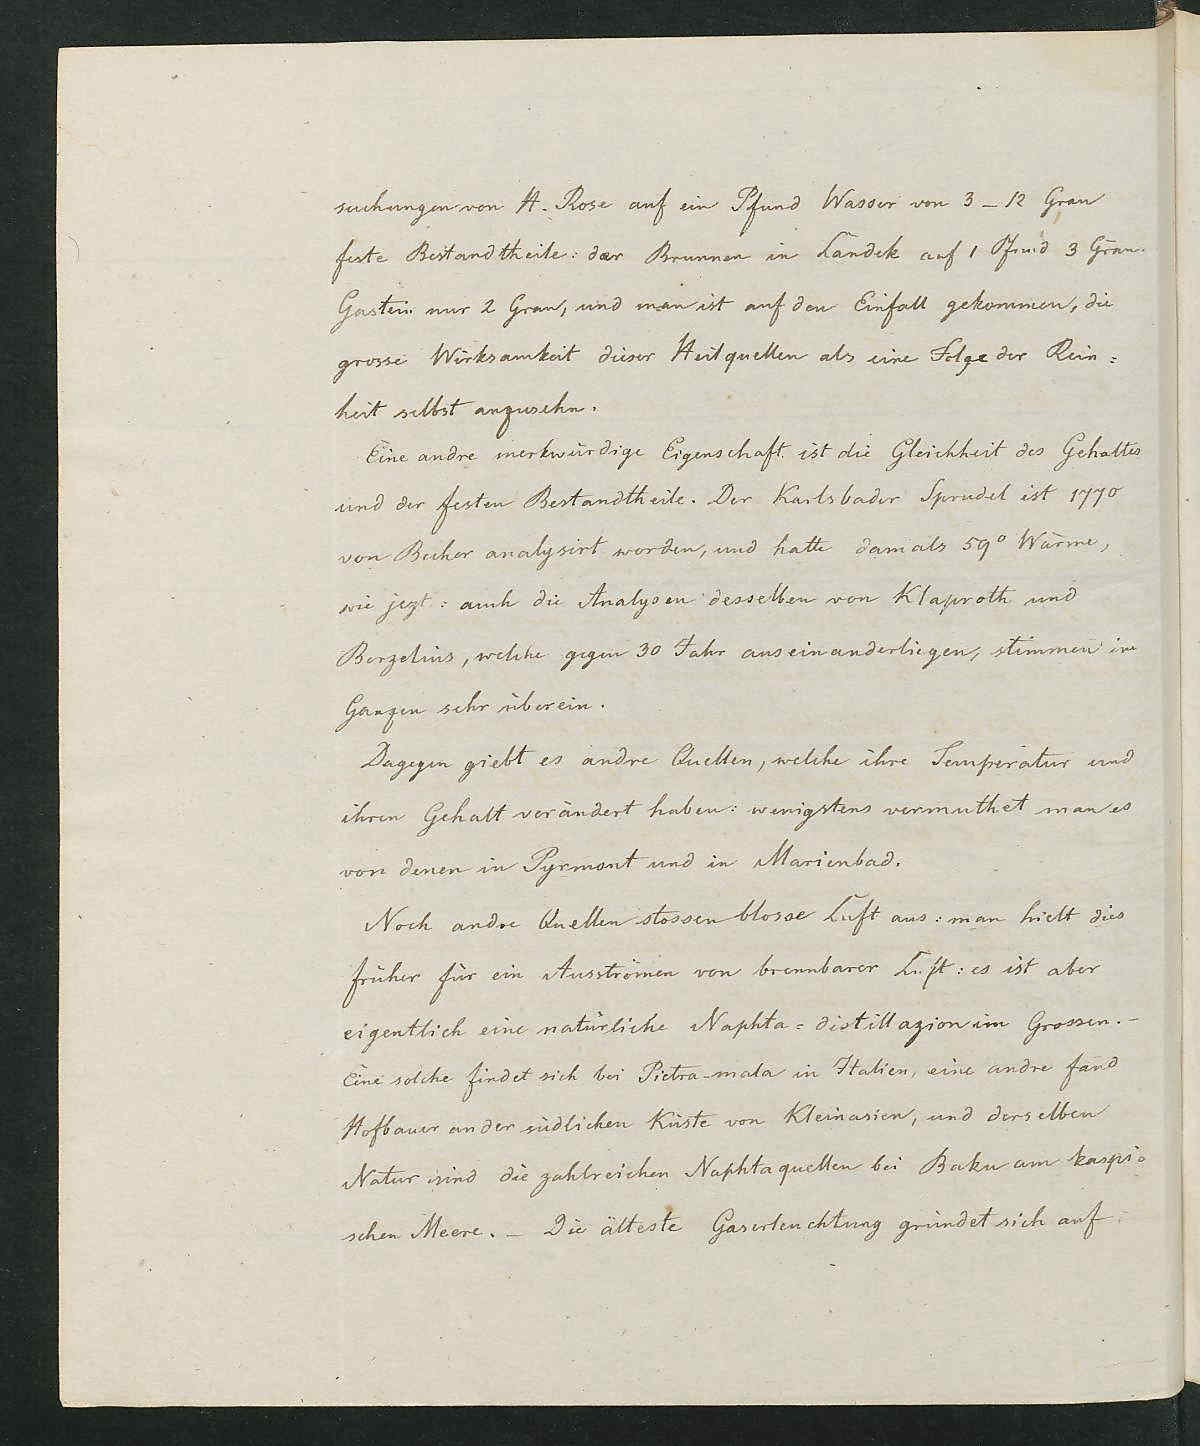suchungen von H. Rose auf ein Pfund Wasser von 3–12 Gran
feste Bestandtheile: daer Brunnen in Landek auf 1 Pfund 3 Gran.
Gastein nur 2 Gran, und man ist auf den Einfall gekommen, die
grosse Wirksamkeit diese Heilquellen als eine Folge Rein-
heit selbst anzusehn.
Eine andre merkwürdige Eigenschaft ist die Gleichheit dies Gehaltes
und der festen Bestandtheile. Der Karlsbader Sprudel ist 1770
von Becher analysirt worden, und hatte damals 59° Wärme,
wie jezt: auch die Analysen desselben von Klaproth und
Berzelius, welche gegen 30 Jahr auseinanderliegen, stimmen im
Ganzen sehr überein.
Dagegen giebt es andre Quellen, welche ihre Temperatur und
ihren Gehalt verändert haben: wenigstens vermuthet man es
von denen in Pyrmont und in Marienbad.
Noch andre Quellen stossen blosse Luft aus: man hielt dies
früher für ein Ausströmen von brennbarer Luft: es ist aber
eigentlich eine natürliche Naphta-distillazion im Grossen. –
Eine solche findet sich bei Pietra-mala in Italien, eine andre fand
Hofbauer an der südlichen Küste von Kleinasien, und derselben
Natur sind die zahlreichen Naphtaquellen bei Baku am kaspi-
schen Meere. – Die älteste Gaserleuchtung gründet sich auf